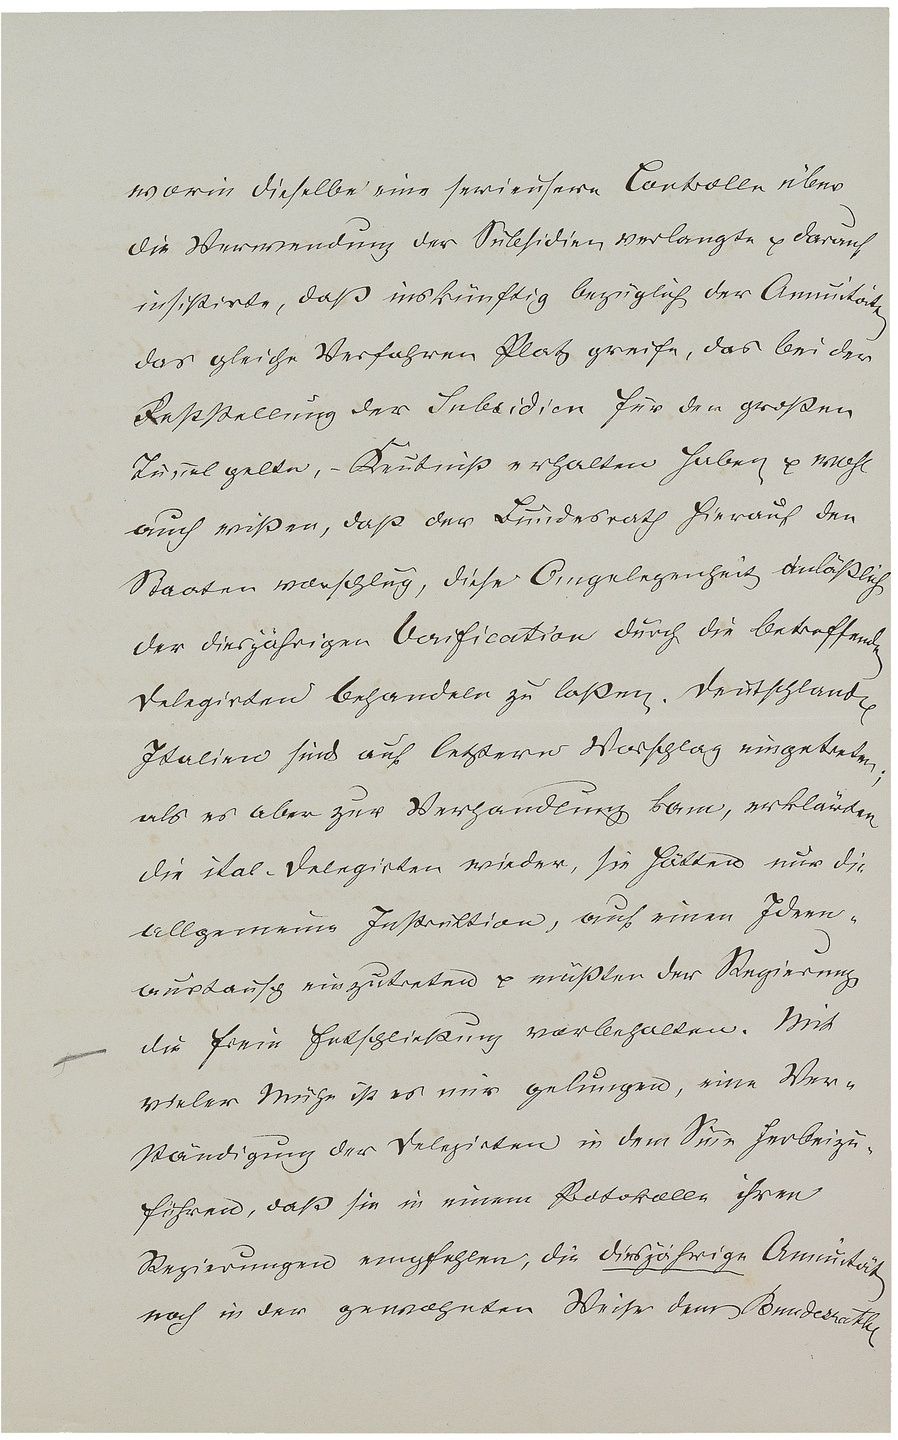worin dieselbe eine serieusere Controlle über
die Verwendung der Subsidien verlangte & darauf
insistirte, daß inskünftig bezüglich der Annuitäten
das gleiche Verfahren Platz greife, das bei der
Feststellung der Subsidien für den großen
Tunnel gelte, – Kenntniß erhalten haben & wohl
auch wißen, daß der Bundesrath hierauf den
Staaten vorschlug, diese Angelegenheit anläßlich
der diesjährigen Verification durch die betreffenden
Delegirten behandeln zu laßen. Deutschland &
Italien sind auf letztern Vorschlag eingetreten;
als es aber zur Verhandlung kam, erklärten
die ital. Delegirten wieder, sie hätten nur die
allgemeine Instruktion, auf einen Ideen-
austausch einzutreten & müßten der Regierung
die freie Entschließung vorbehalten. Mit
vieler Mühe ist es mir gelungen, eine Ver-
ständigung der Delegirten in dem Sinne herbeizu-
führen, daß sie in einem Protokolle ihren
Regierungen empfehlen, die diesjährige Annuität
noch in der gewohnten Weise dem Bundesrathe